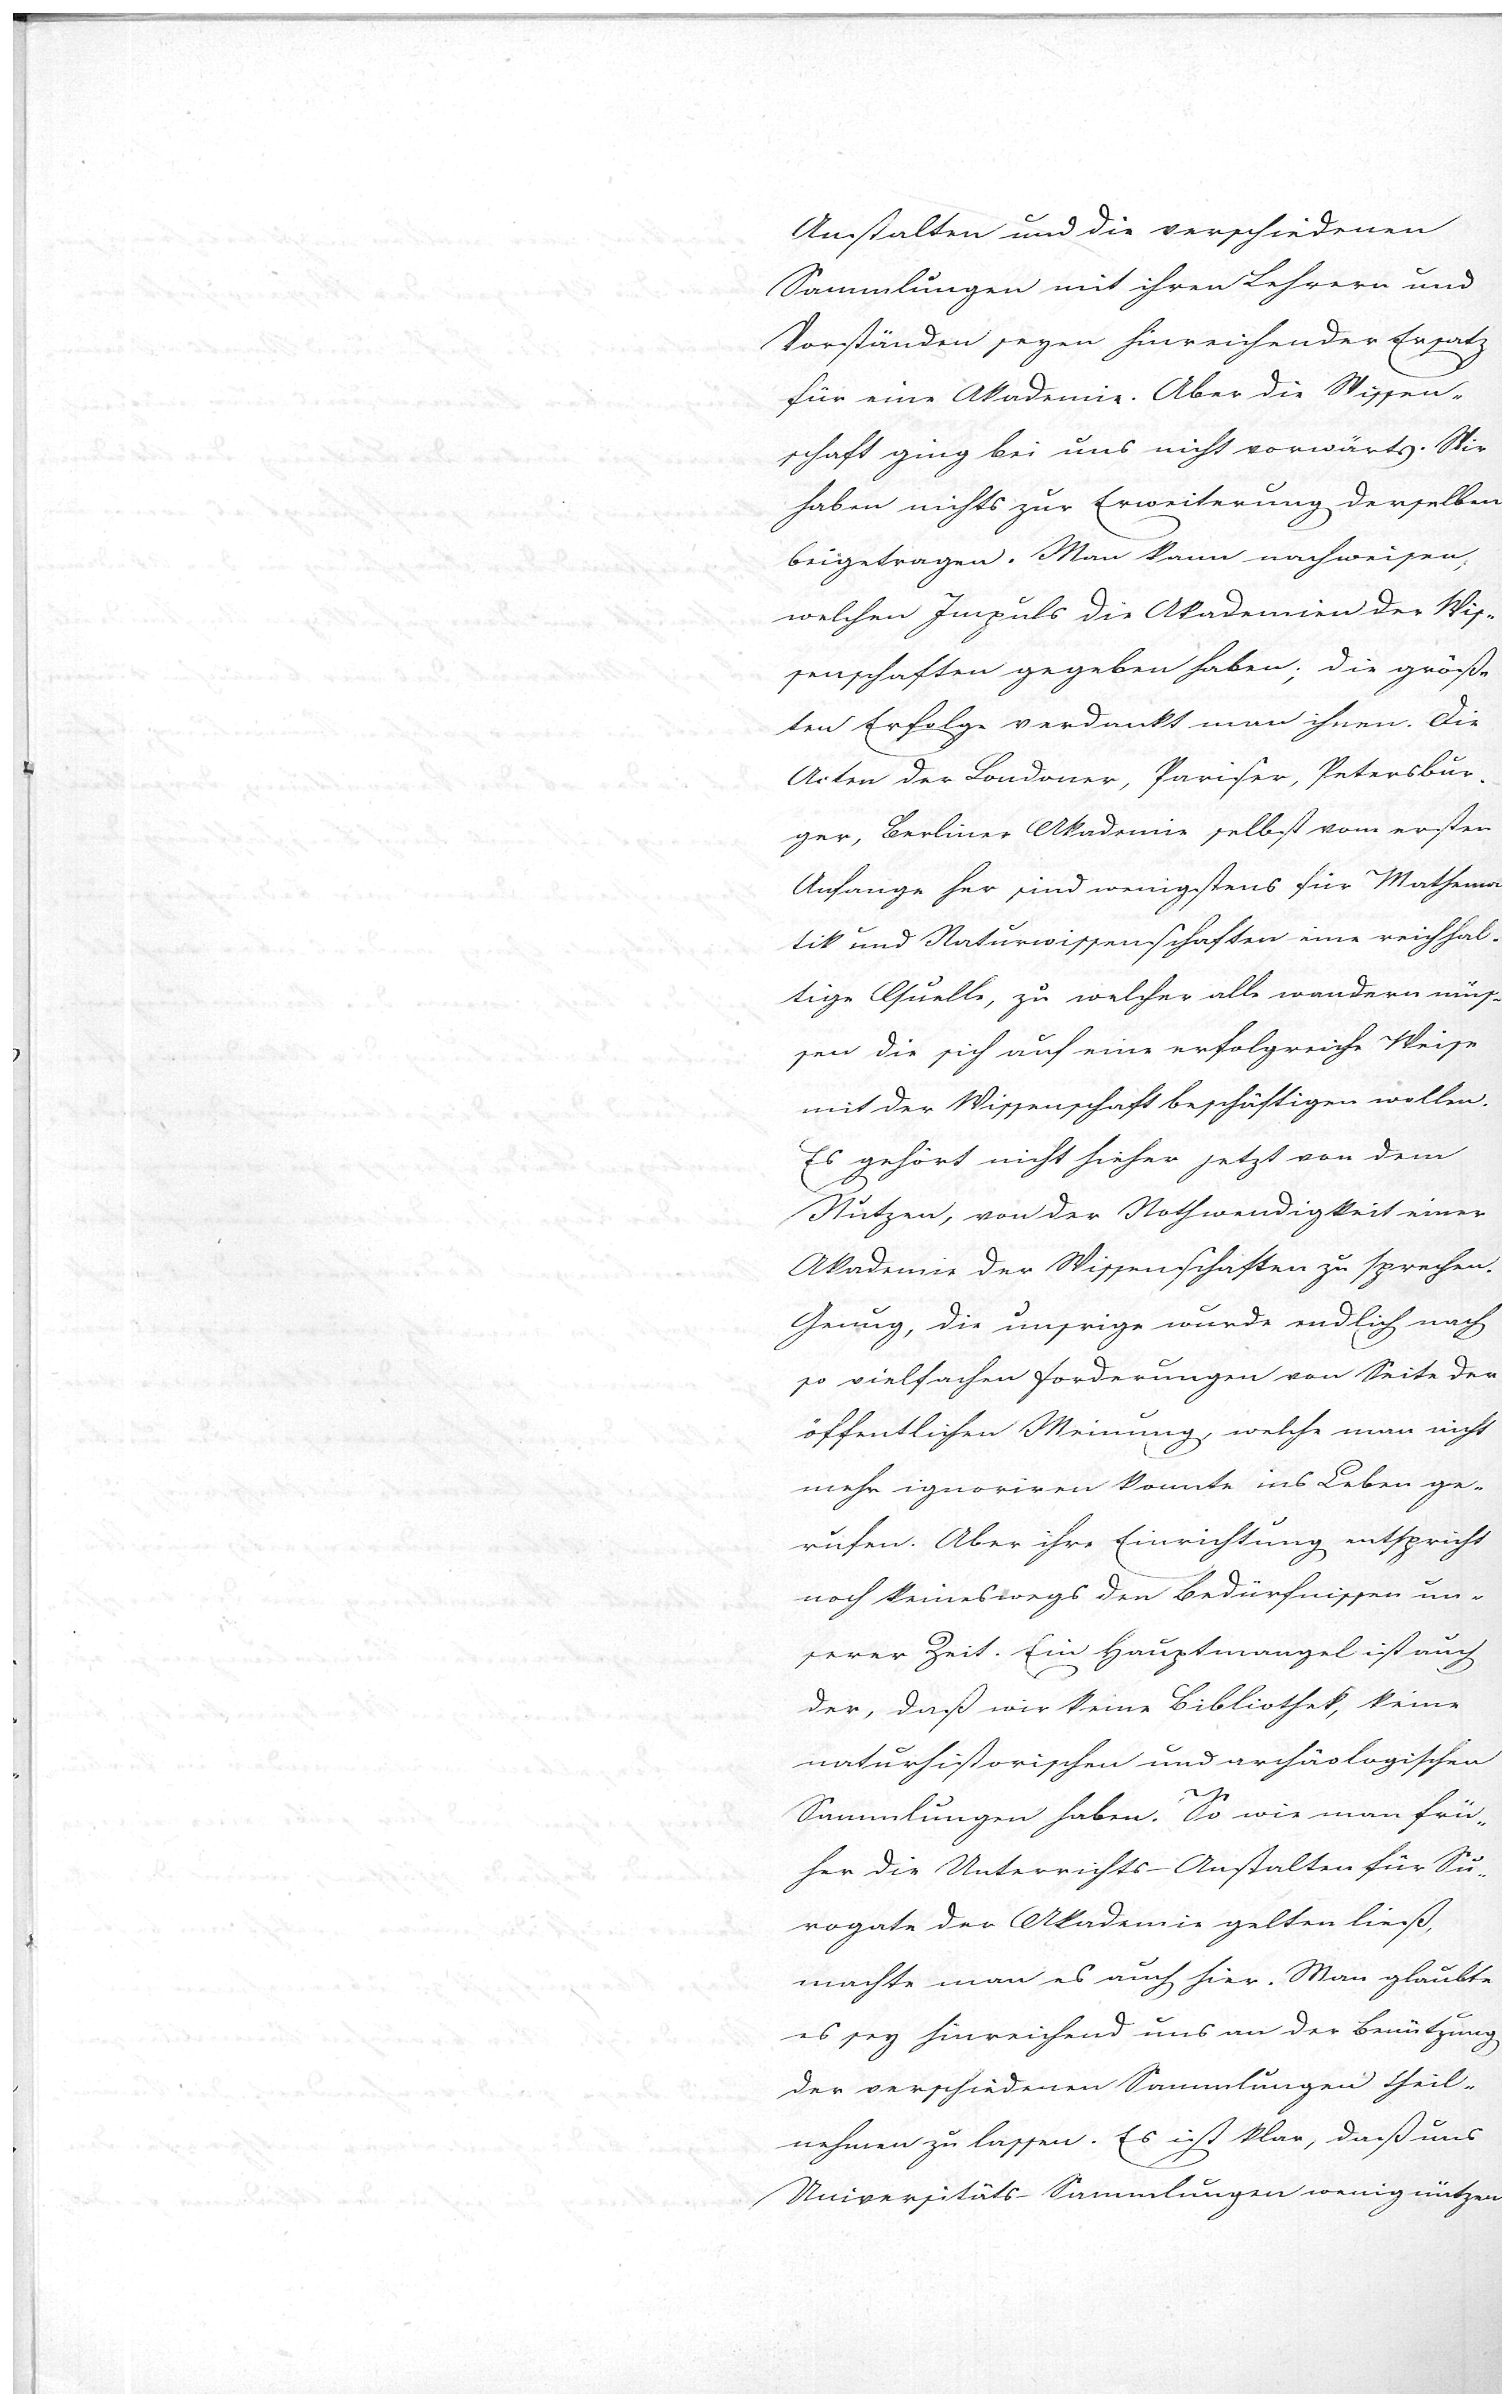Anstalten und die verschiedenen
Sammlungen mit ihren Lehrern und
Vorständen seyen hinreichender Ersatz
für eine Akademie. Aber die Wissen-
schaft ging bei uns nicht vorwärts. Wir
haben nichts zur Erweiterung derselben
beigetragen. Man kann nachweisen,
welchen Inpuls die Akademien der Wis-
senschaften gegeben haben, die größ-
ten Erfolge verdankt man ihnen. Die
Acten der Londoner, Pariser, Peterbur-
ger, Berliner Akademie selbst vom ersten
Anfange her sind wenigstens für Mathema-
tik und Naturwissenschaften eine reichhal-
tige Quelle, zu welcher alle wandern müs-
sen die sich auf eine erfolgreiche Weise
mit der Wissenschaft beschäftigen wollen.
Es gehört nicht hieher jetzt von dem
Nutzen, von der Nothwendigkeit einer
Akademie der Wissenschaften zu sprechen.
Genug, die unsrige wurde endlich nach
so vielfachen Forderungen von Seite der
öffentlichen Meinung, welche man nicht
mehr ignoriren konnte ins Leben ge-
rufen. Aber ihre Einrichtung entspricht
noch keineswegs den Bedürfnissen un-
serer Zeit. Ein Hauptmangel ist auch
der, daß wir keine Bibliothek, keine
naturhistorischen und archäologischen
Sammlungen haben. So wie man frü-
her die Unterrichts-Anstalten für Su-
rogate der Akademie gelten ließ,
machte man es auch hier. Man glaubte
es sey hinreichend uns an der Benützung
der verschiedenen Samlungen theil-
nehmen zu lassen. Es ist klar, daß und
Universität-Sammlungen wenig nützen